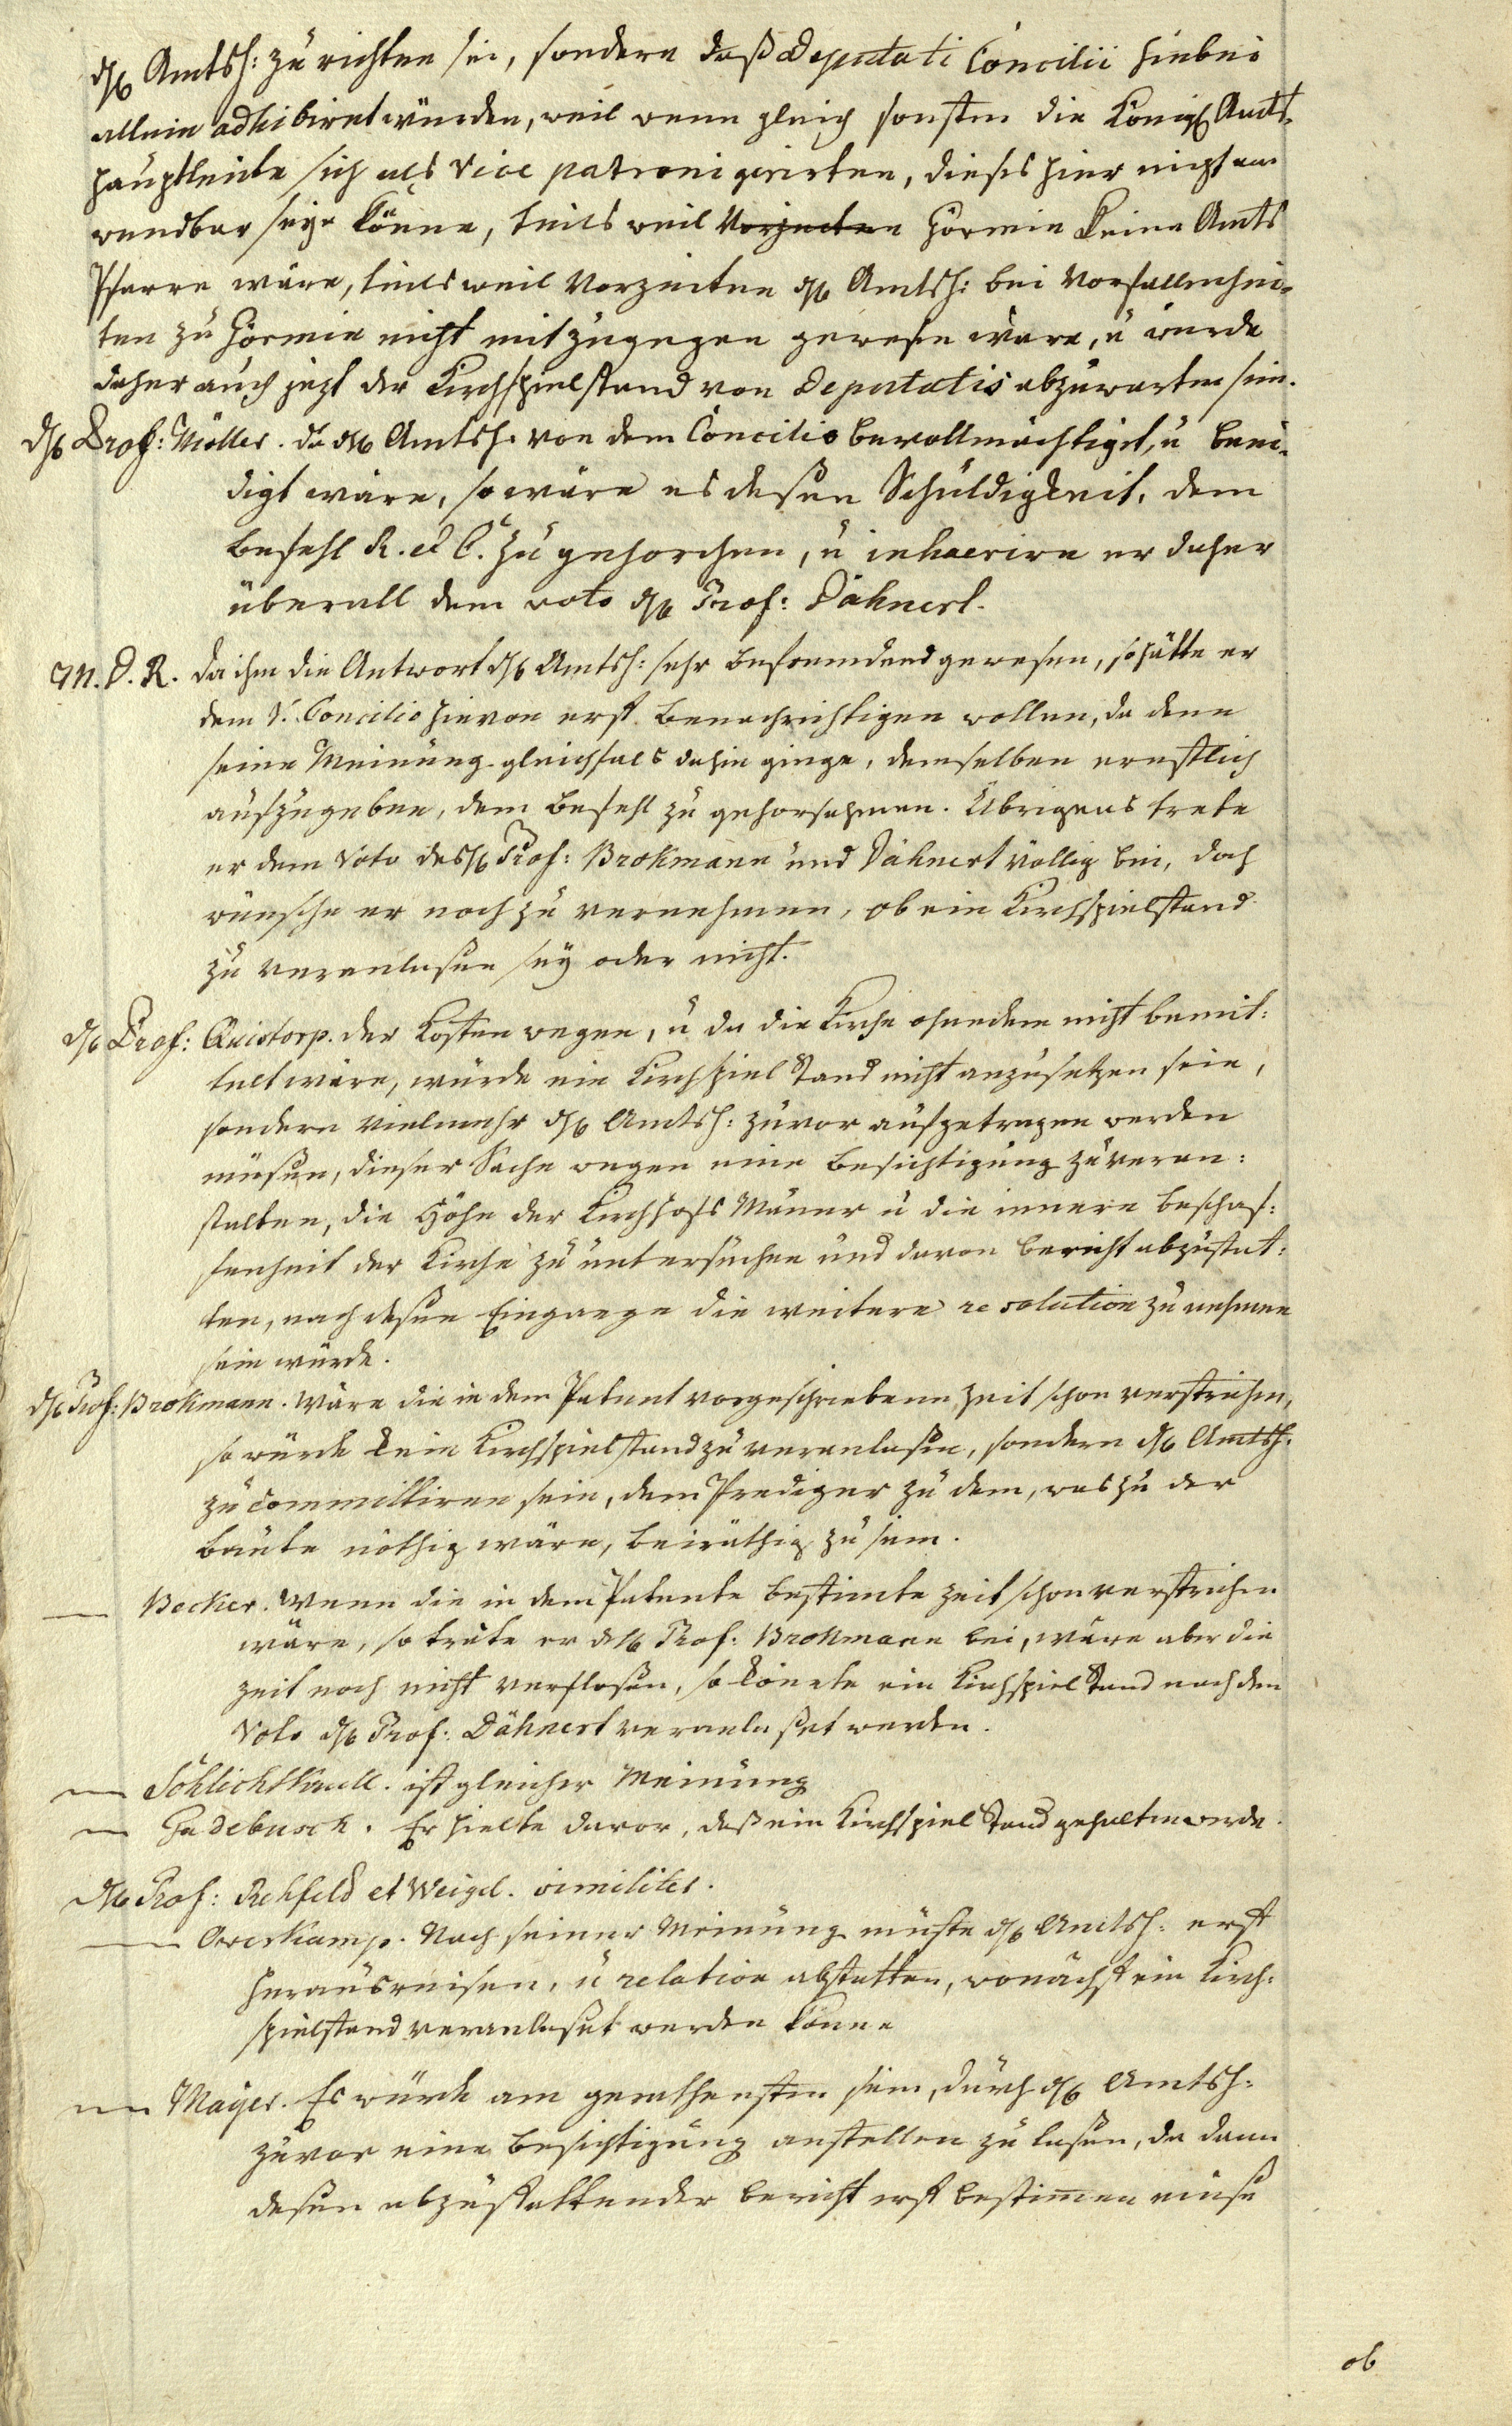dh. Amtsh. zu richten sei, sondern daß Deputati Concilii hiebei
allein adhibiret würden, weil wenn gleich sonsten die Königl. Amts¬
hauptleute sich als Vice patroni gerirten, dieses hier nicht an¬
wendbar seÿn könne, theils weil Vorzeiten Görmin keine Amts¬
Pfarre wäre, theils weil vorzeiten dh Amtsh. bei Vorfallenhei¬
ten zu Görmin nicht mit zugegen gewesen wäre, u würde
daher auch jezt der Kirchspielstand von Deputatis abzuwarten sein.
dh Prof. Möller. da dh Amtsh. von dem Concilio bevollmächtiget, u beei¬
digt wäre, so wäre es dessen Schuldigkeit, dem
Befehl R. et C. zu gehorchen, u inhaerire er daher
überall dem voto dh Prof. Dähnert.
M. D. R. Da ihm die Antwort dh Amtsh. sehr befremdend gewesen, so hätte er
dem V. Concilio hievon erst benachrichtigen wollen, da denn
seine Meinung gleichfals dahin ginge, demselben ernstlich
aufzugeben, dem Befehl zu gehorsahmen. Übrigens trete
er dem Voto der h Prof: Brokmann und Dähnert völlig bei, doch
wünsche er noch zu vernehmen, ob ein Kirchspielstand
zu veranlaßen seÿ oder nicht.
dh. Prof. Quistorp. der Kosten wegen, u da die Kirche ohnedem nicht bemit¬
telt wäre, würde ein Kirchspielstand nicht anzusetzen sein,
sondern vielmehr dh Amtsh. zuvor aufgetragen werden
müßen, dieser Sache wegen einen Besichtigung zu veran¬
stalten, die Höhe der Kirchchhofs Mäner u die innere Beschaf¬
fenheit der Kirche zu untersuchen und davon Bericht abzustat¬
ten, nach deßen Eingange die weitere resolution zu nehmen
sein würde.
dh Prof. Brokmann. Wäre die in dem Patent vorgeschriebene Zeit schon verstrichen,
so würde kein Kirchspielstand zu veranlaßen, sondern dh Amtsh.
zu committiren sein, den Prediger zu dem, was zu der
Baute nöthig wäre, beiräthig zu sein.
Becker. Wenn die in dem Patente bestimte Zeit schon verstrichen
wäre, so träte er dh Prof.: Brokmann bei, wäre aber die
Zeit noch nicht verfloßen, so könnte ein KirchspielStand nach dem
Voto dh Prof. Dähnert veranlaßet werden.
Schlichtkrull. ist gleicher Meinung
Gadebusch. Er hielte davor, daß ein KirchspielStand gehalten werde.
dh Prof. Rehfeld et Weigel. similiter.
Overkamp. Nach seiner Meinung müste dh Amtsh. erst
herausreisen, u relation abstatten, wonächt ein Kirch¬
spielstand veranlaßet werden könne
Maÿer. Es würde am gerathensten sein, durch dh Amtsh.
zuvor eine Besichtigung anstellen zu laßen, da dann
deßen abzustattender Bericht erst bestimen müße
ob